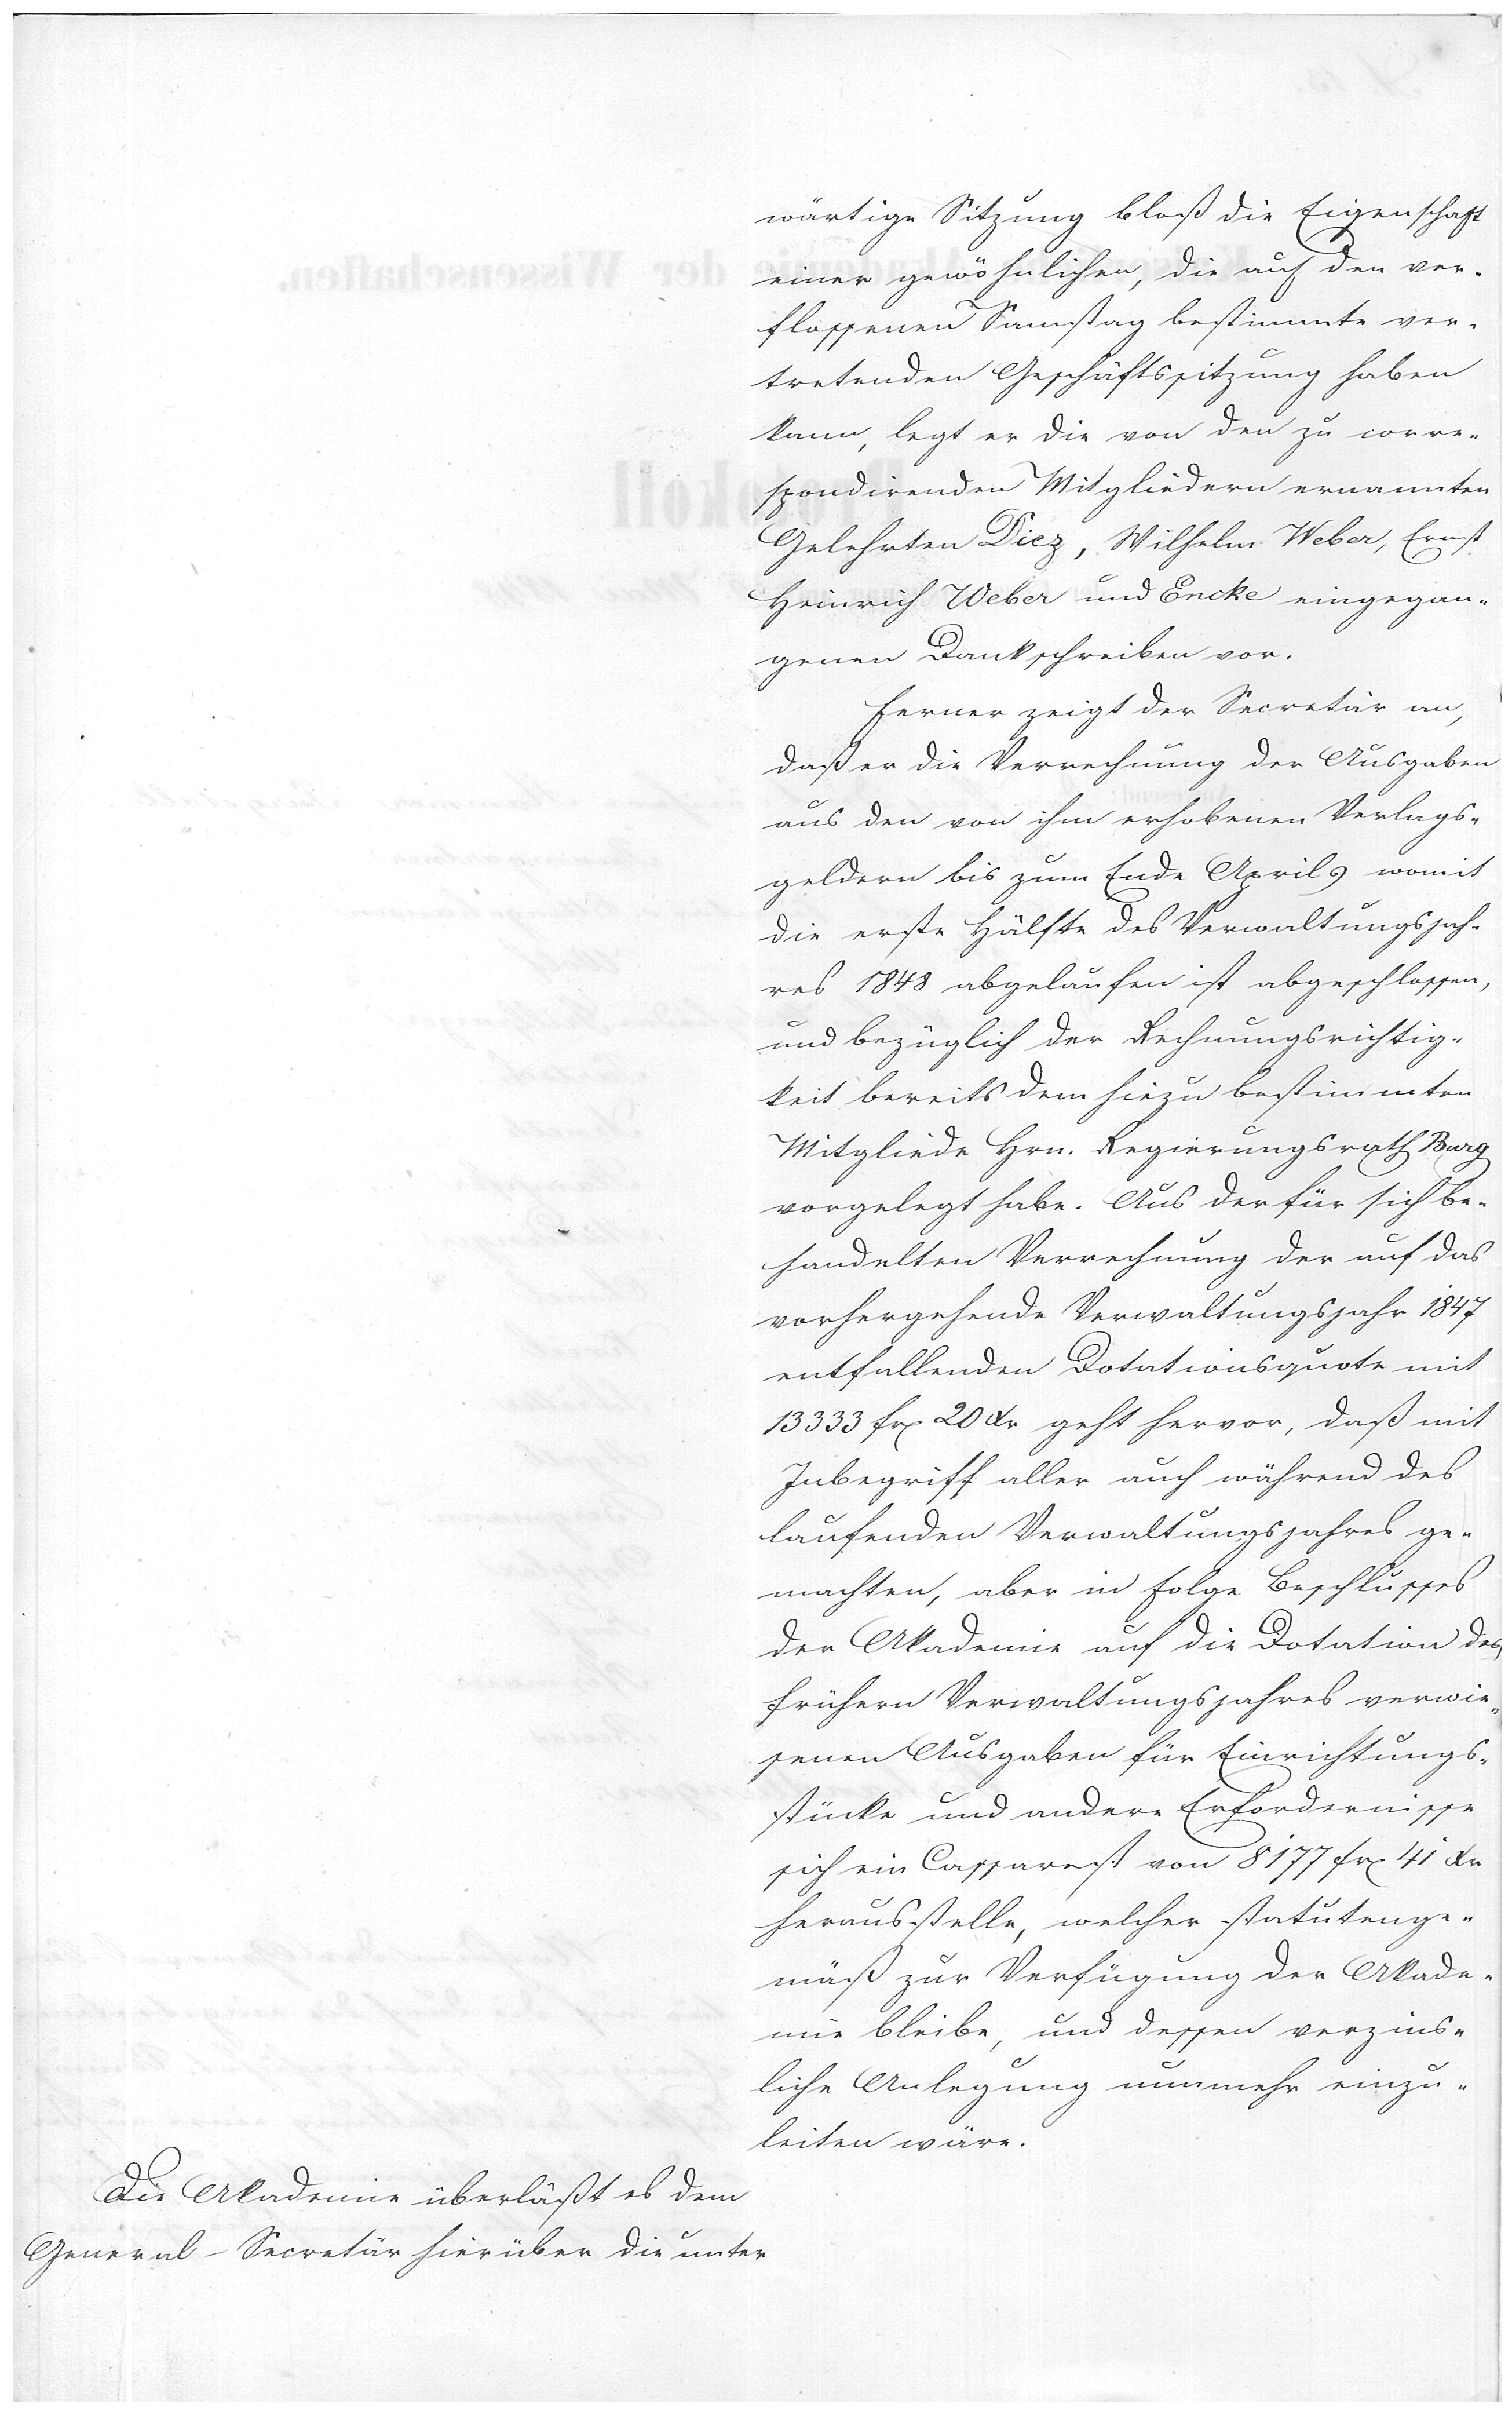wärtige Sitzung bloß die Eigenschaft
einer gewöhnlichen, die auch den ver-
flossenen Samstag bestimmte ver-
tretenden Gesschäftssitzung haben
kann, legt er die von den zu corre-
spondirenden Mitgliedern ernannten
Gelehrten Diez, Wilhelm Weber, Ernst
Heinrich Weber und Encke eingegan-
genen Dankschreiben vor.
Ferner zeigt der Secretär an,
daß er die Verrechnung der Ausgaben
aus den von ihm erhobenen Verlags-
geldern bis zum Ende Aprils womit
die erste Hälfte des Verwaltungsjah-
res 1848 abgelaufen ist abgeschlossen,
und bezüglich der Rechnungsrichtig-
keit bereits dem hiezu bestimmten
Mitgliede Hrn. Regierungsrath Burg
vorgelegt habe. Aus der für sich be-
handelten Verrechung der auf das
vorhergehenden Verwaltungsjahr 184
entfallenden Dotationsquote mit
13333 fr 20 kr geht hervor, daß mit
Inbegriff aller auch während des
laufenden Verwaltungsjahres ge-
machten, aber an Folge Beschlusses
der Akademie auf die Dotation des
früheren Verwaltungsjahres verwie-
senen Ausgaben für Einrichtungs-
stücke und andere Erfordernisse
sich ein Cassarest von 8177 fr 41 kr
herausstelle, welcher statutenge-
mäß zur Verfügung der Akade-
mie bleibe, und dessen verzins-
liche Anlegung nunmehr einzu-
leiten wäre.
Die Akademie überläßt es dem
General-Secretär hierüber die unter